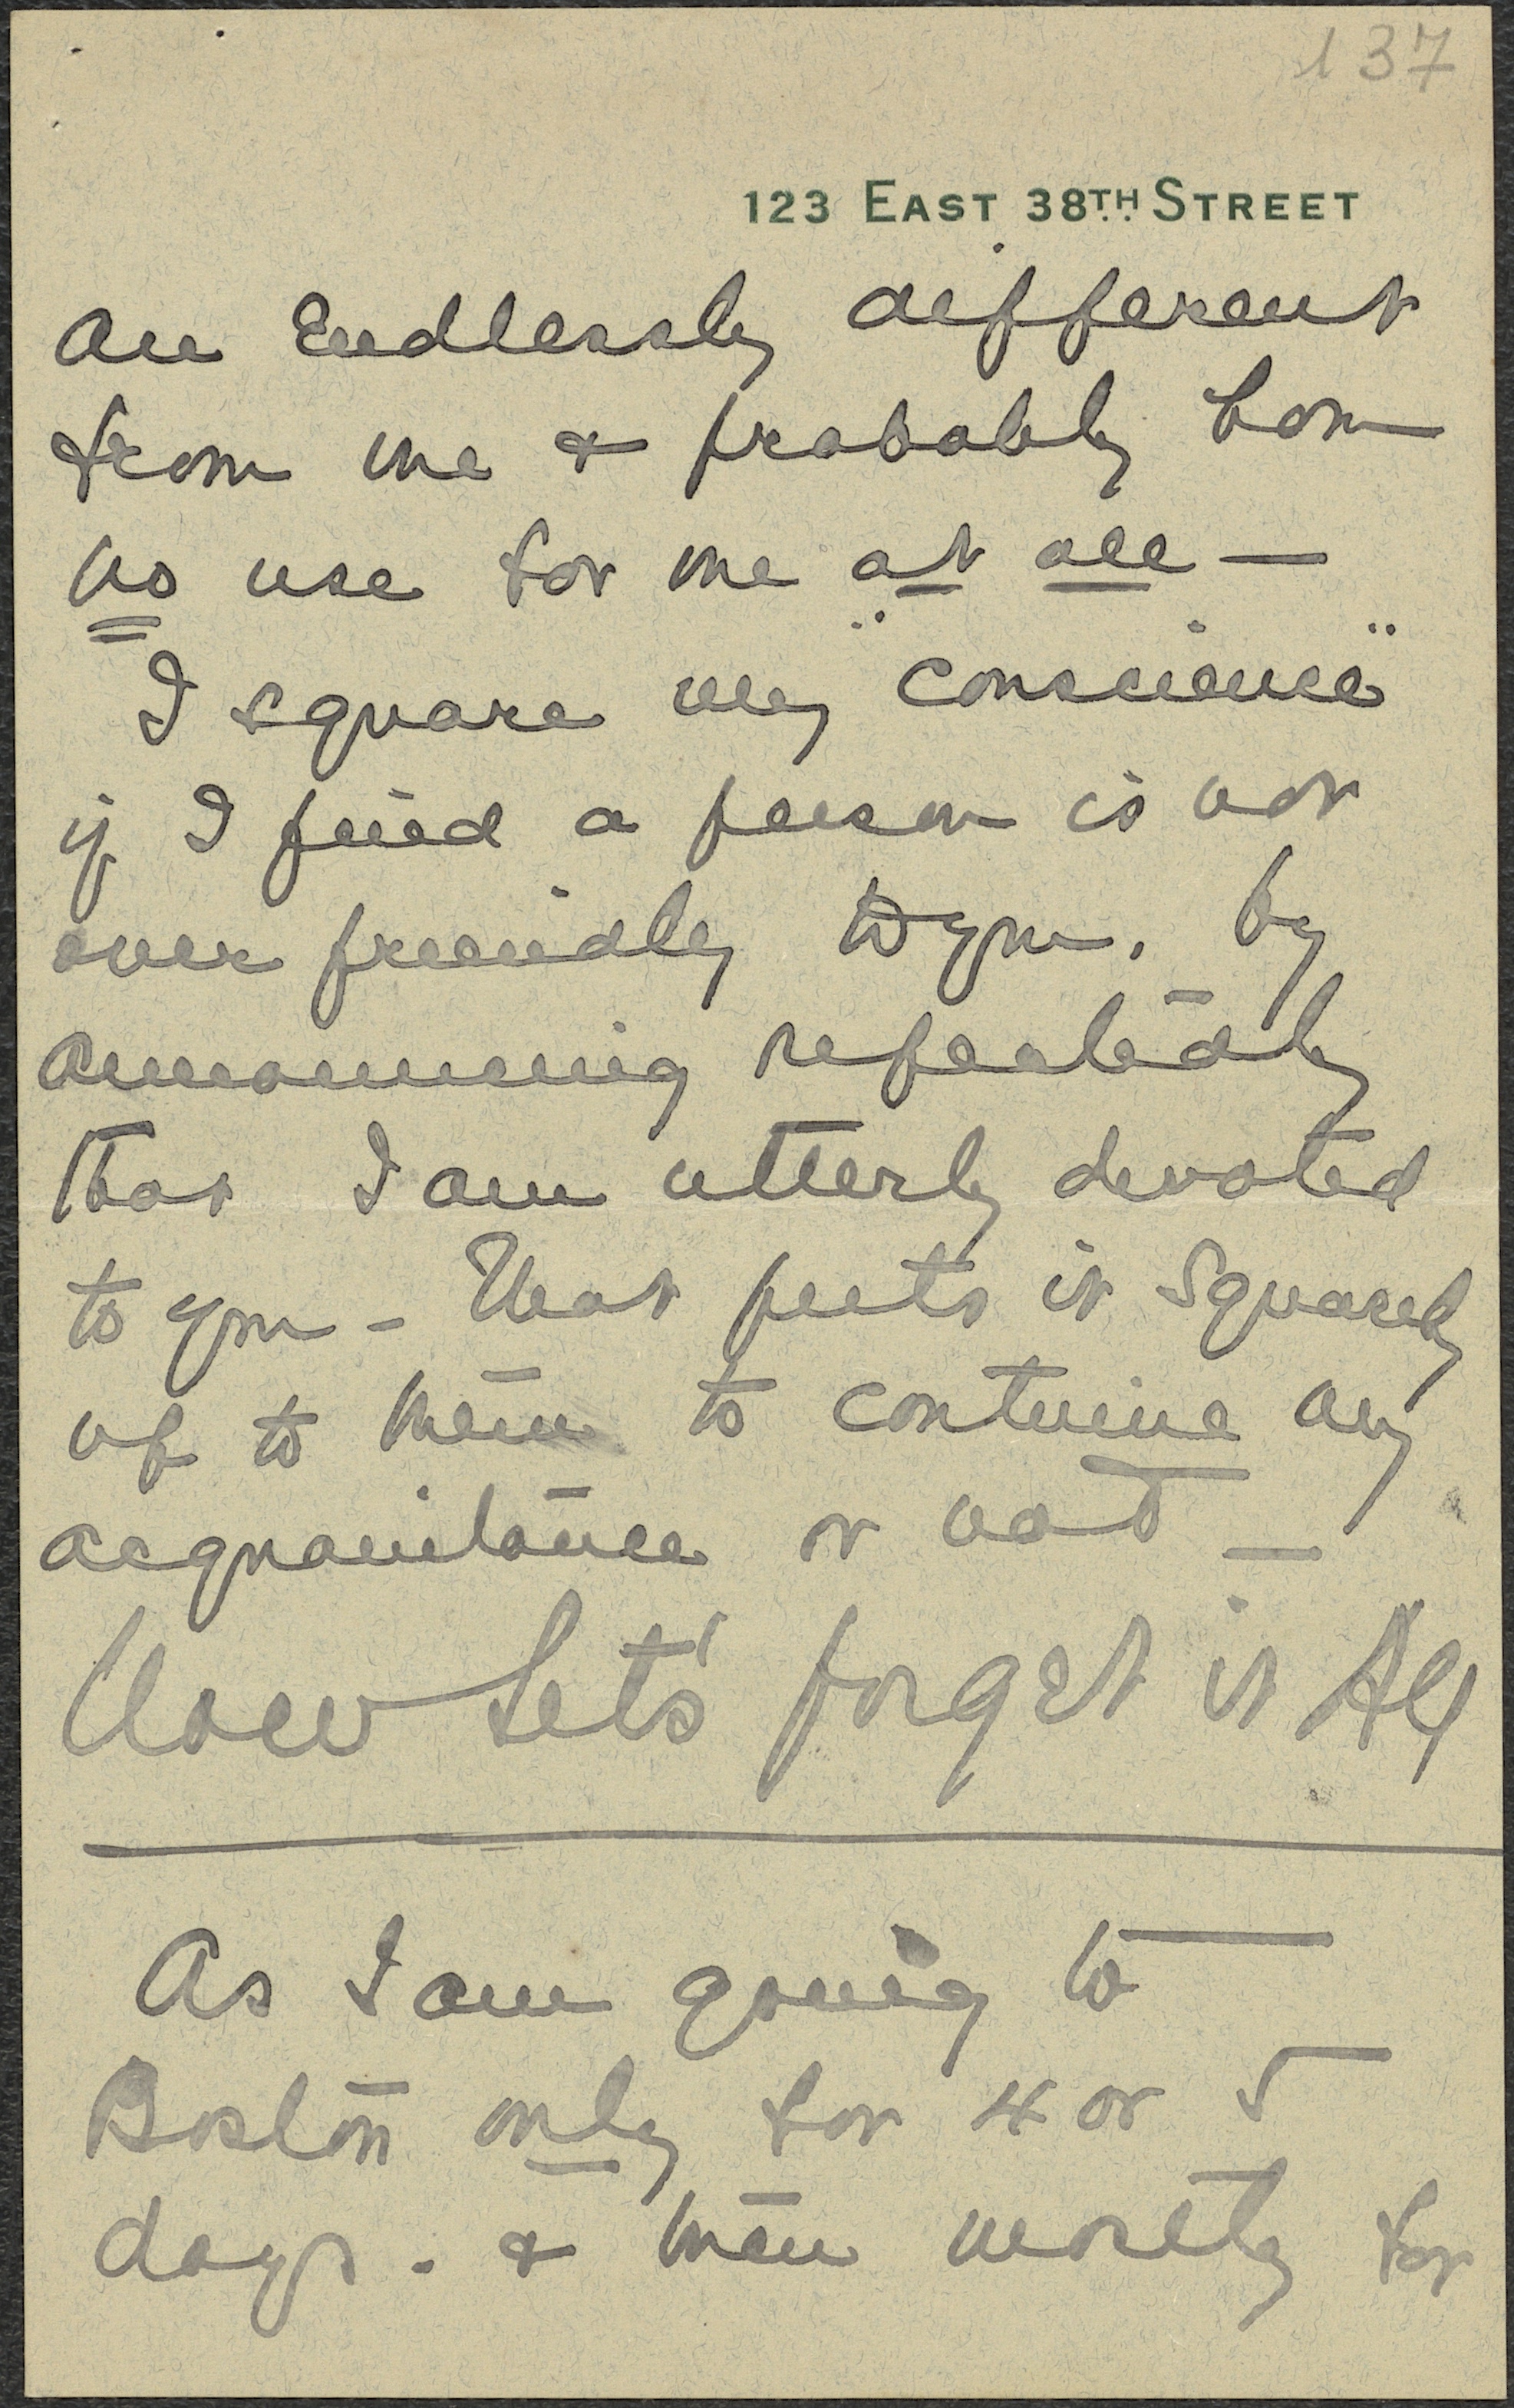are endlessly different from me & probably have [double underlined: no] use for me at all –
I square my "conscience" if I find a person is not over friendly to you, by announcing repeatedly that I am utterly devoted to you – That puts it squarely up to them to continue my acquaintance or not –
Now Let's forget it All
As I am going to Boston only for 4 or 5 days – & then mostly for